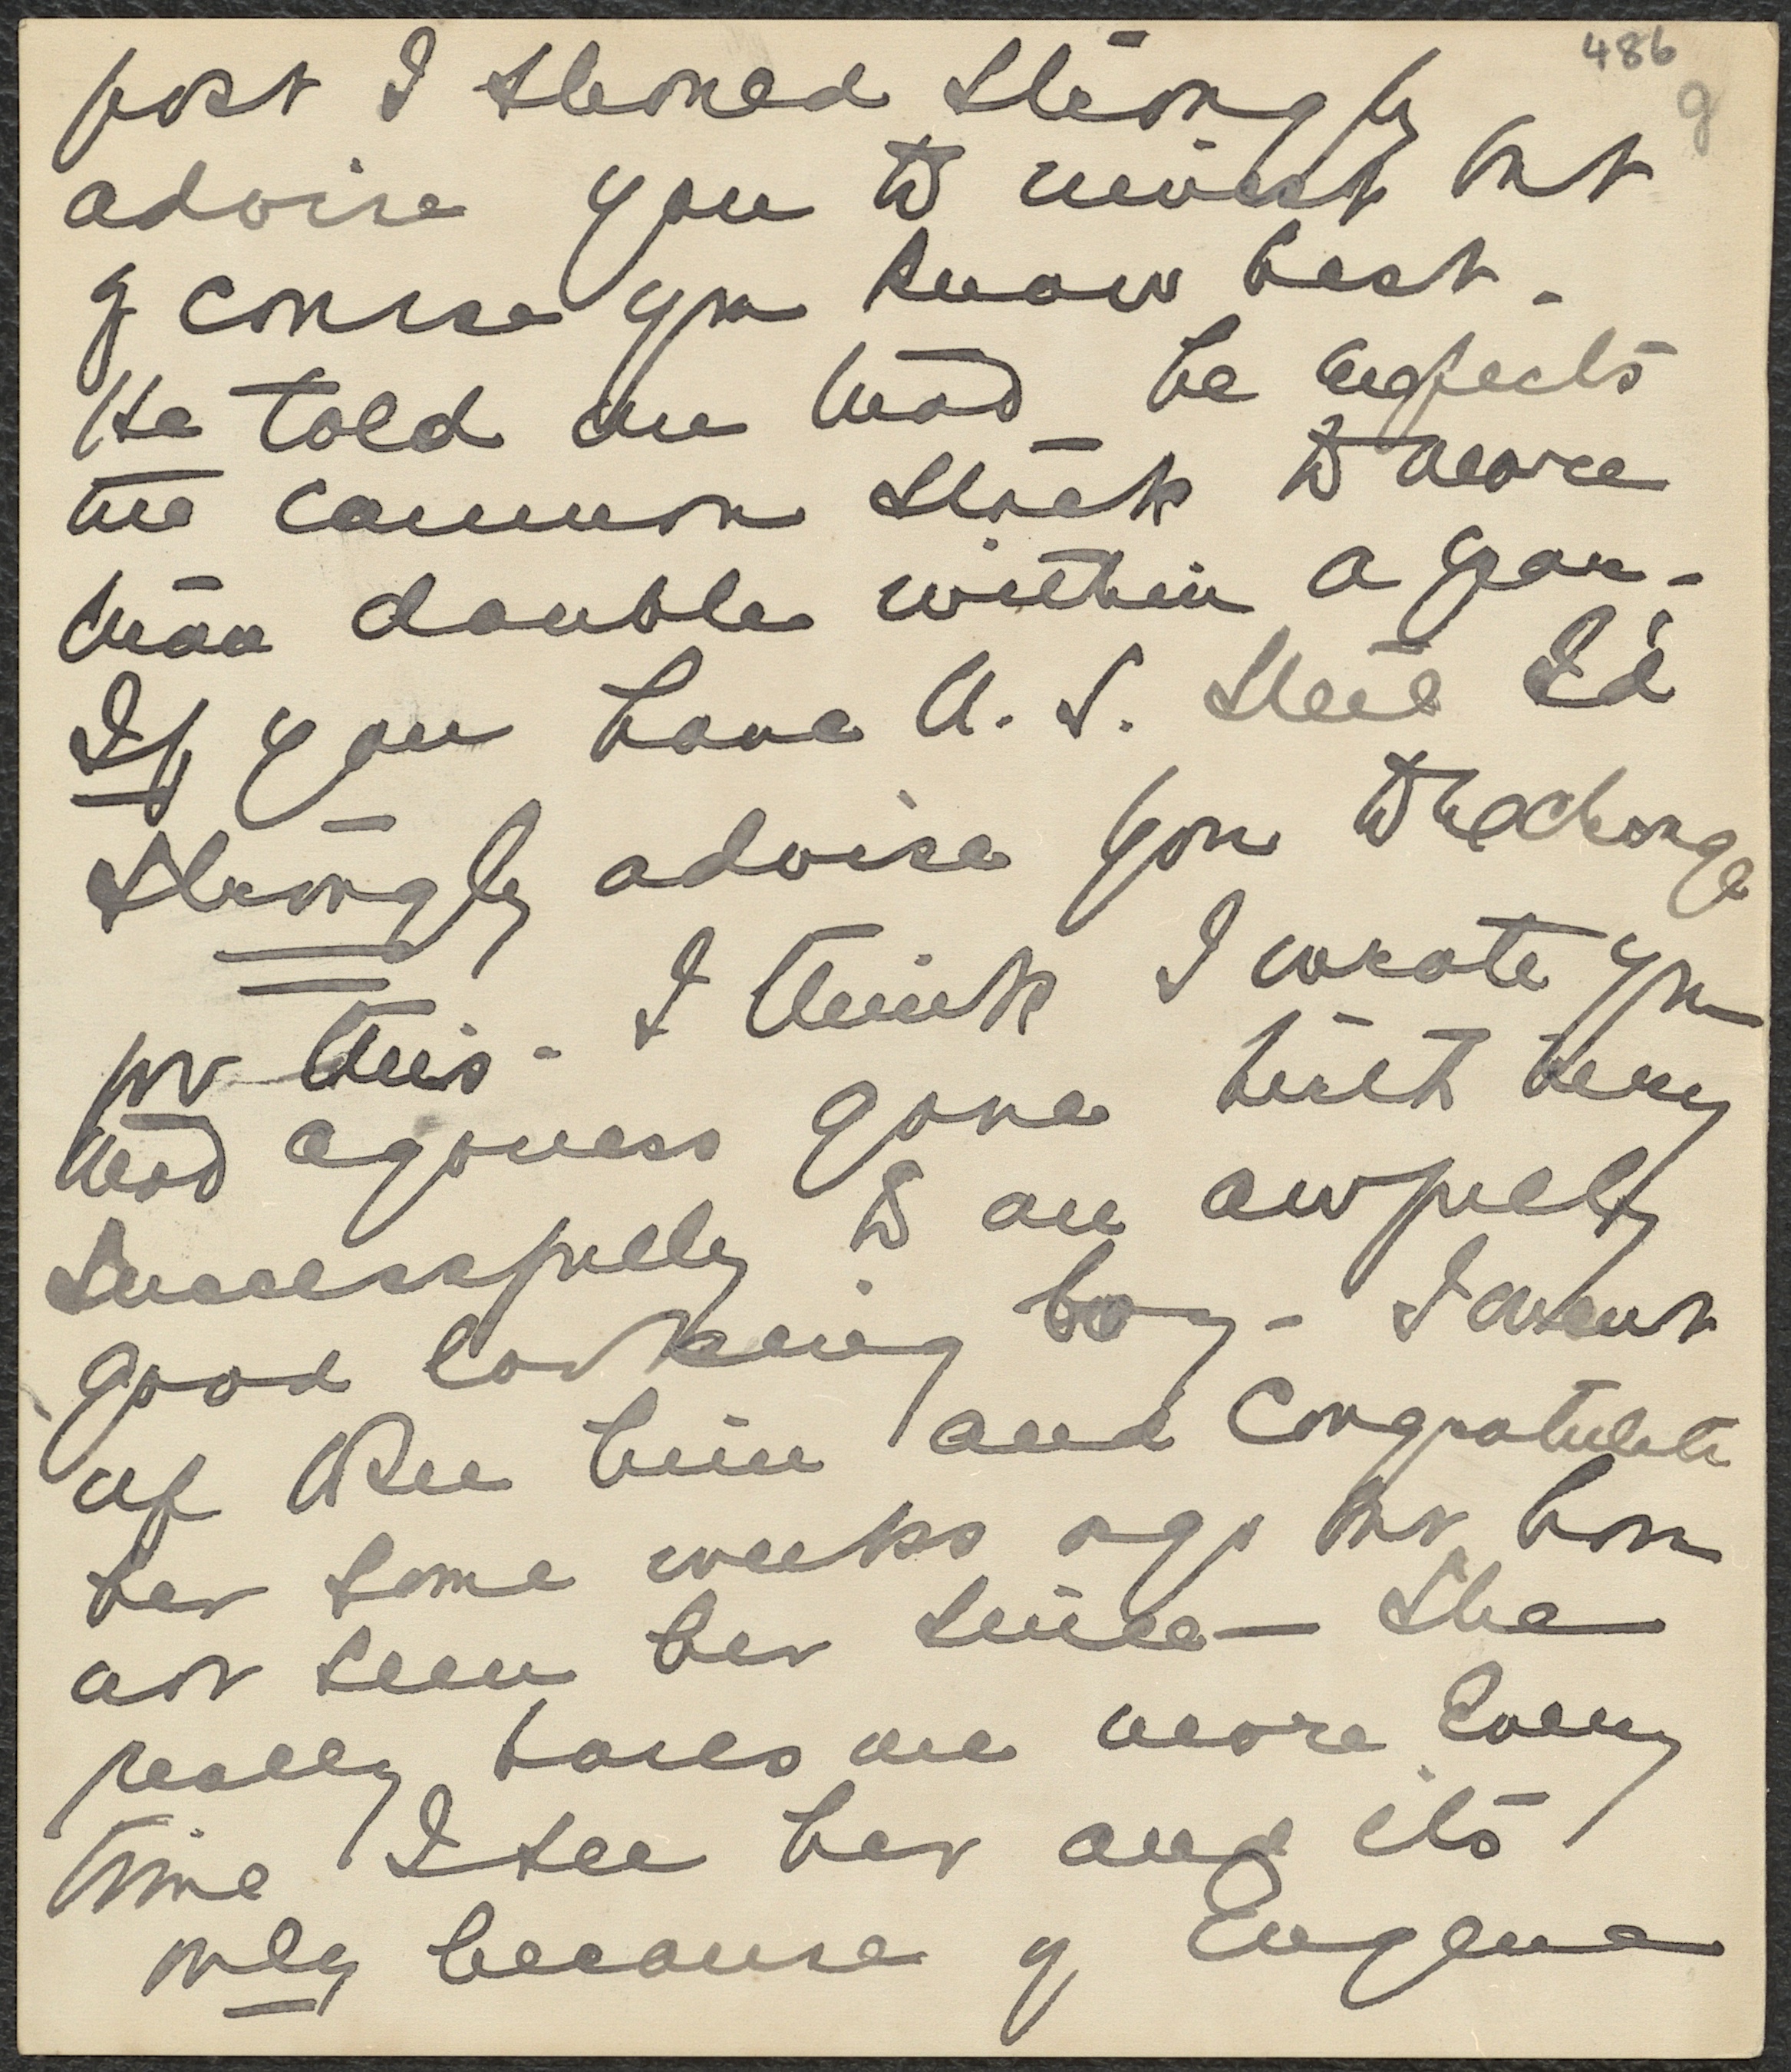past I should strongly advise you to invest but of course you know best – He told me that he expects the common stock to more than double within a year – If you have U.S. Steel I’d [double underlined: strongly] advise you to exchange for this – I think I wrote you that Agoness gave birth very successfully to an awfully good looking boy – I went up to see him and congratulate her some weeks ago but have not seen her since – She really bores me more every time I see her and its [sic] only because of Eugene